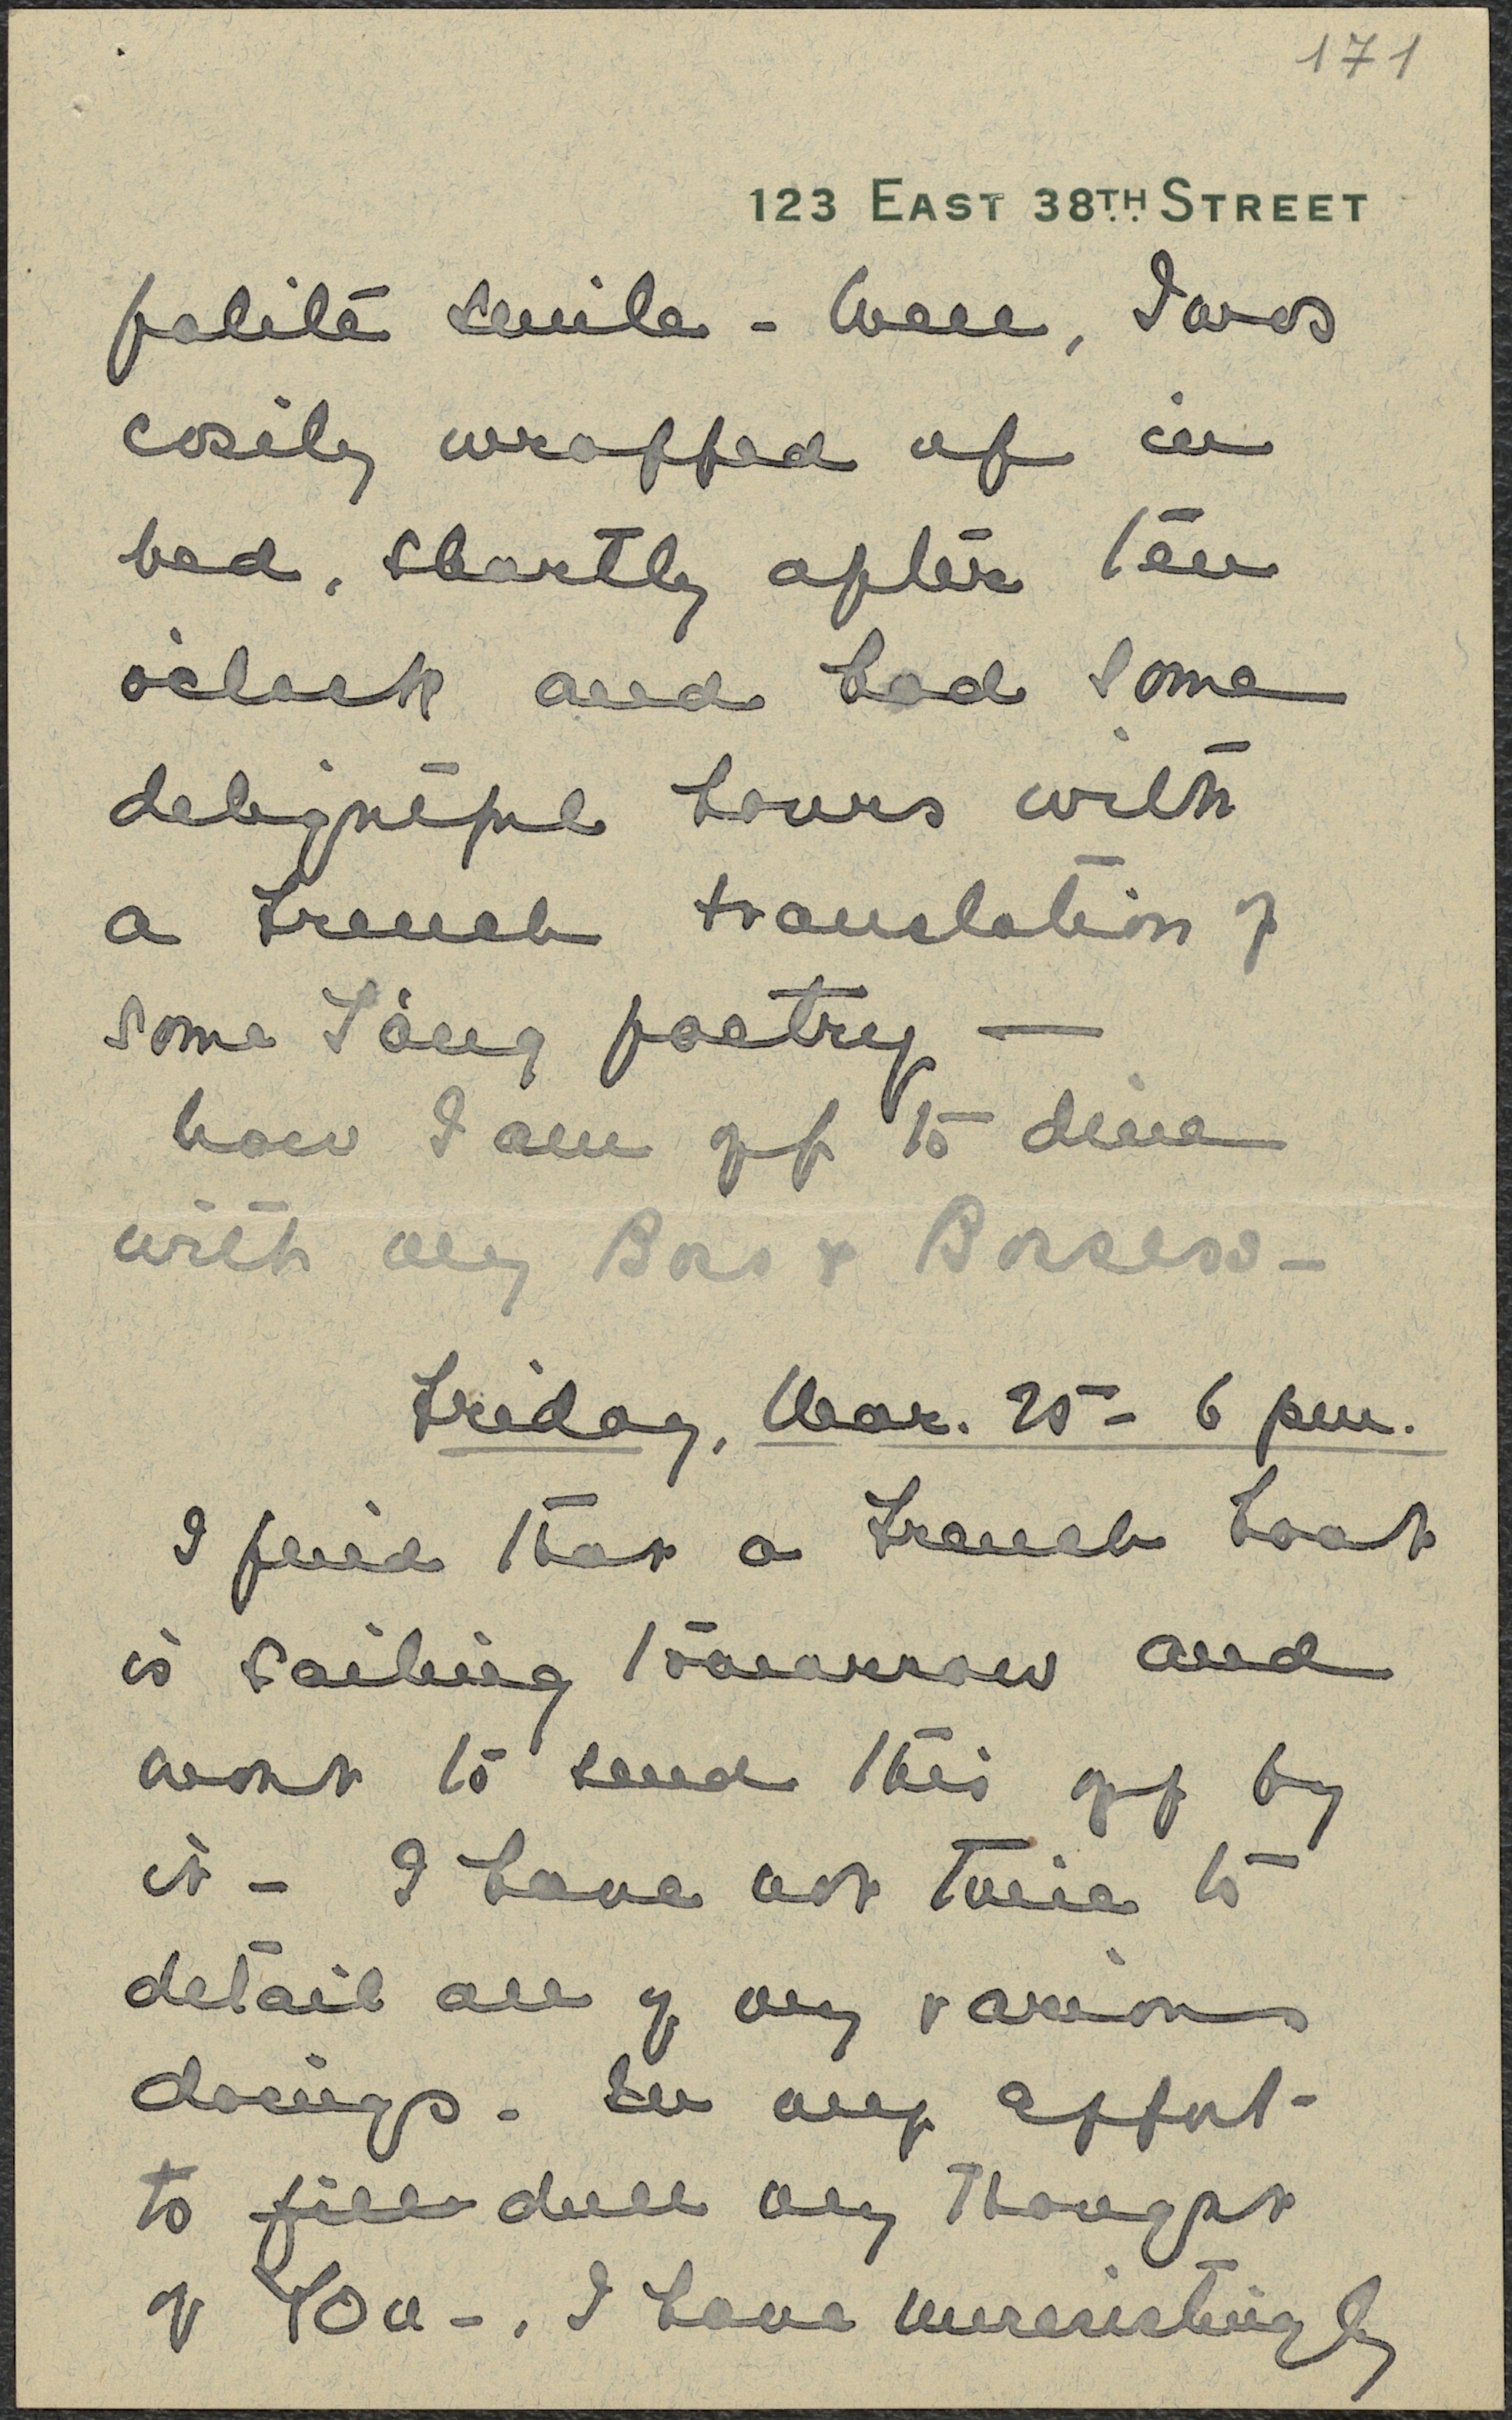polite smile – Well, I was cosily wrapped up in bed, shortly after ten o'clock and had some delightful hours with a French translation of some T’ang poetry –
Now I am off to dine with my Boss & Bossess –
Friday Mar. 25 – 6pm.
I find that a French boat is sailing tomorrow and want to see this off by it – I have not time to detail all of my various doings – In my effort to fill dull my thought of [in print hand: You] –, I have unresistingly